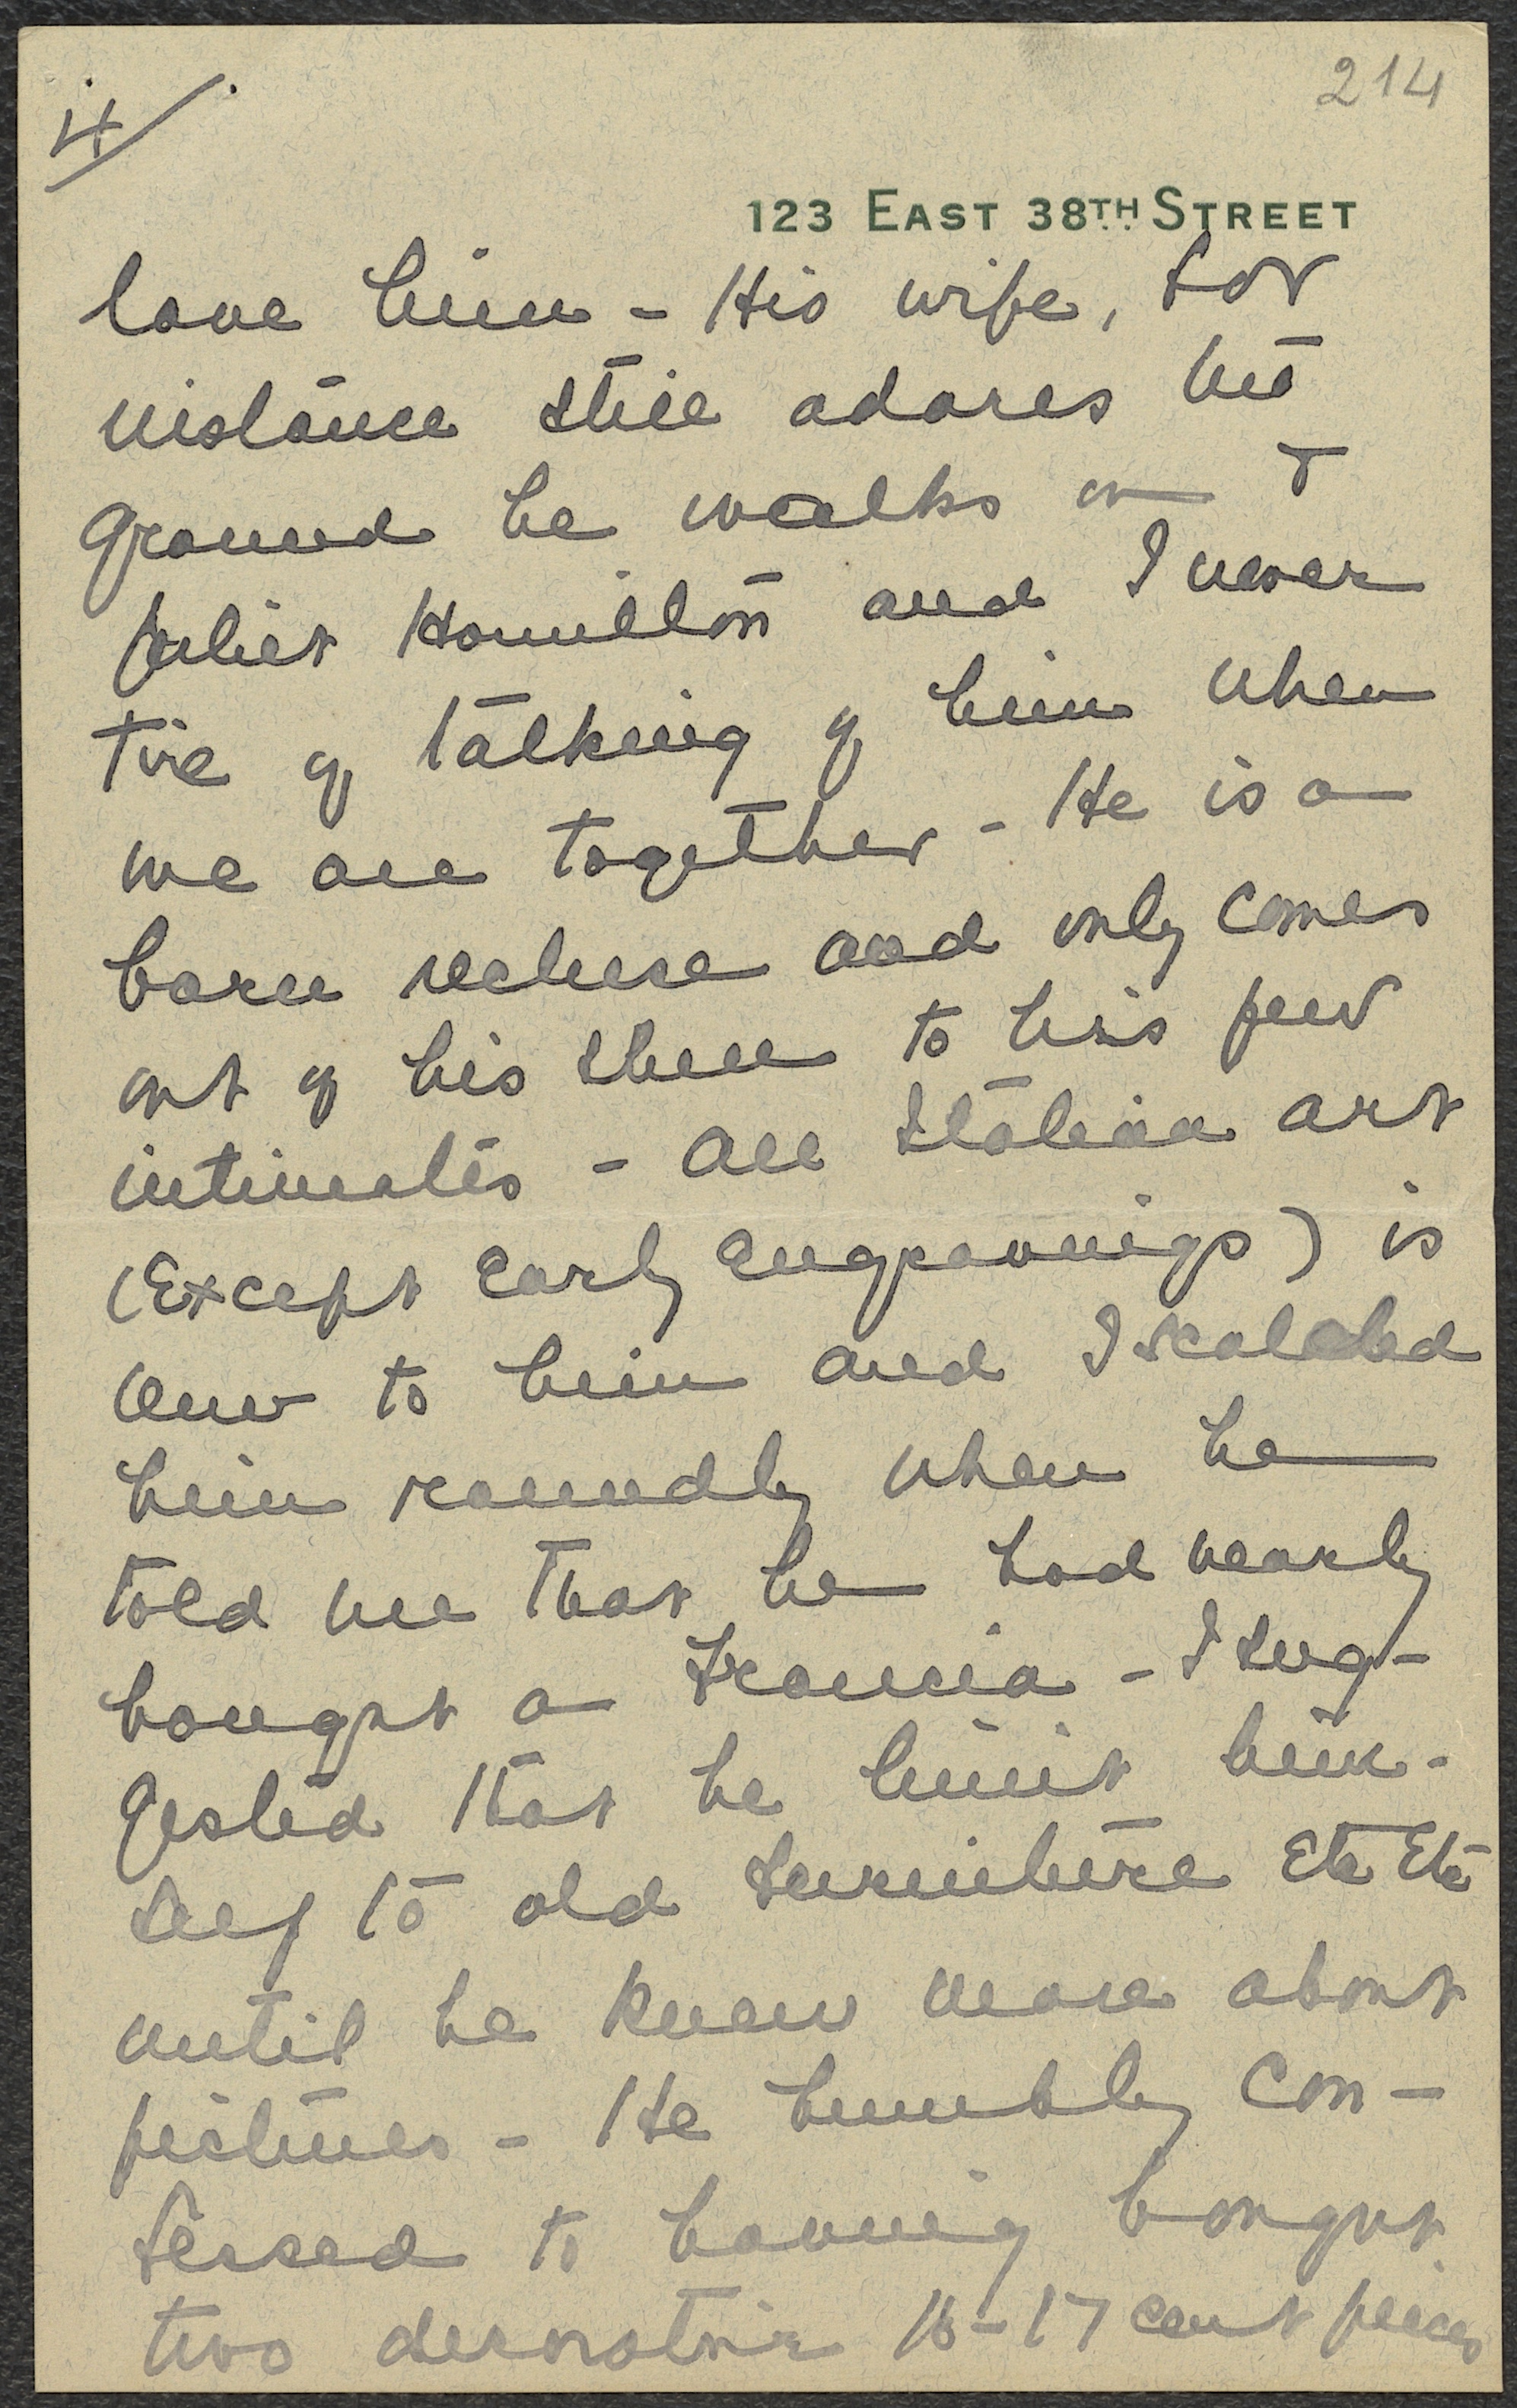4
love him – His wife, for instance still adores the ground he walk on & Juliet Hamilton and I never tire of talking of him when we are together – He is a born recluse and only comes out of his shell to his few intimates – all Italian art (except early engravings) is new to him and I scolded him roundly when he told me that he had nearly bought a Francia – I suggested that he limit himself to old furniture etc etc until he knew more about pictures. He humbly confessed to having bought two decorative 16-17 cent pieces